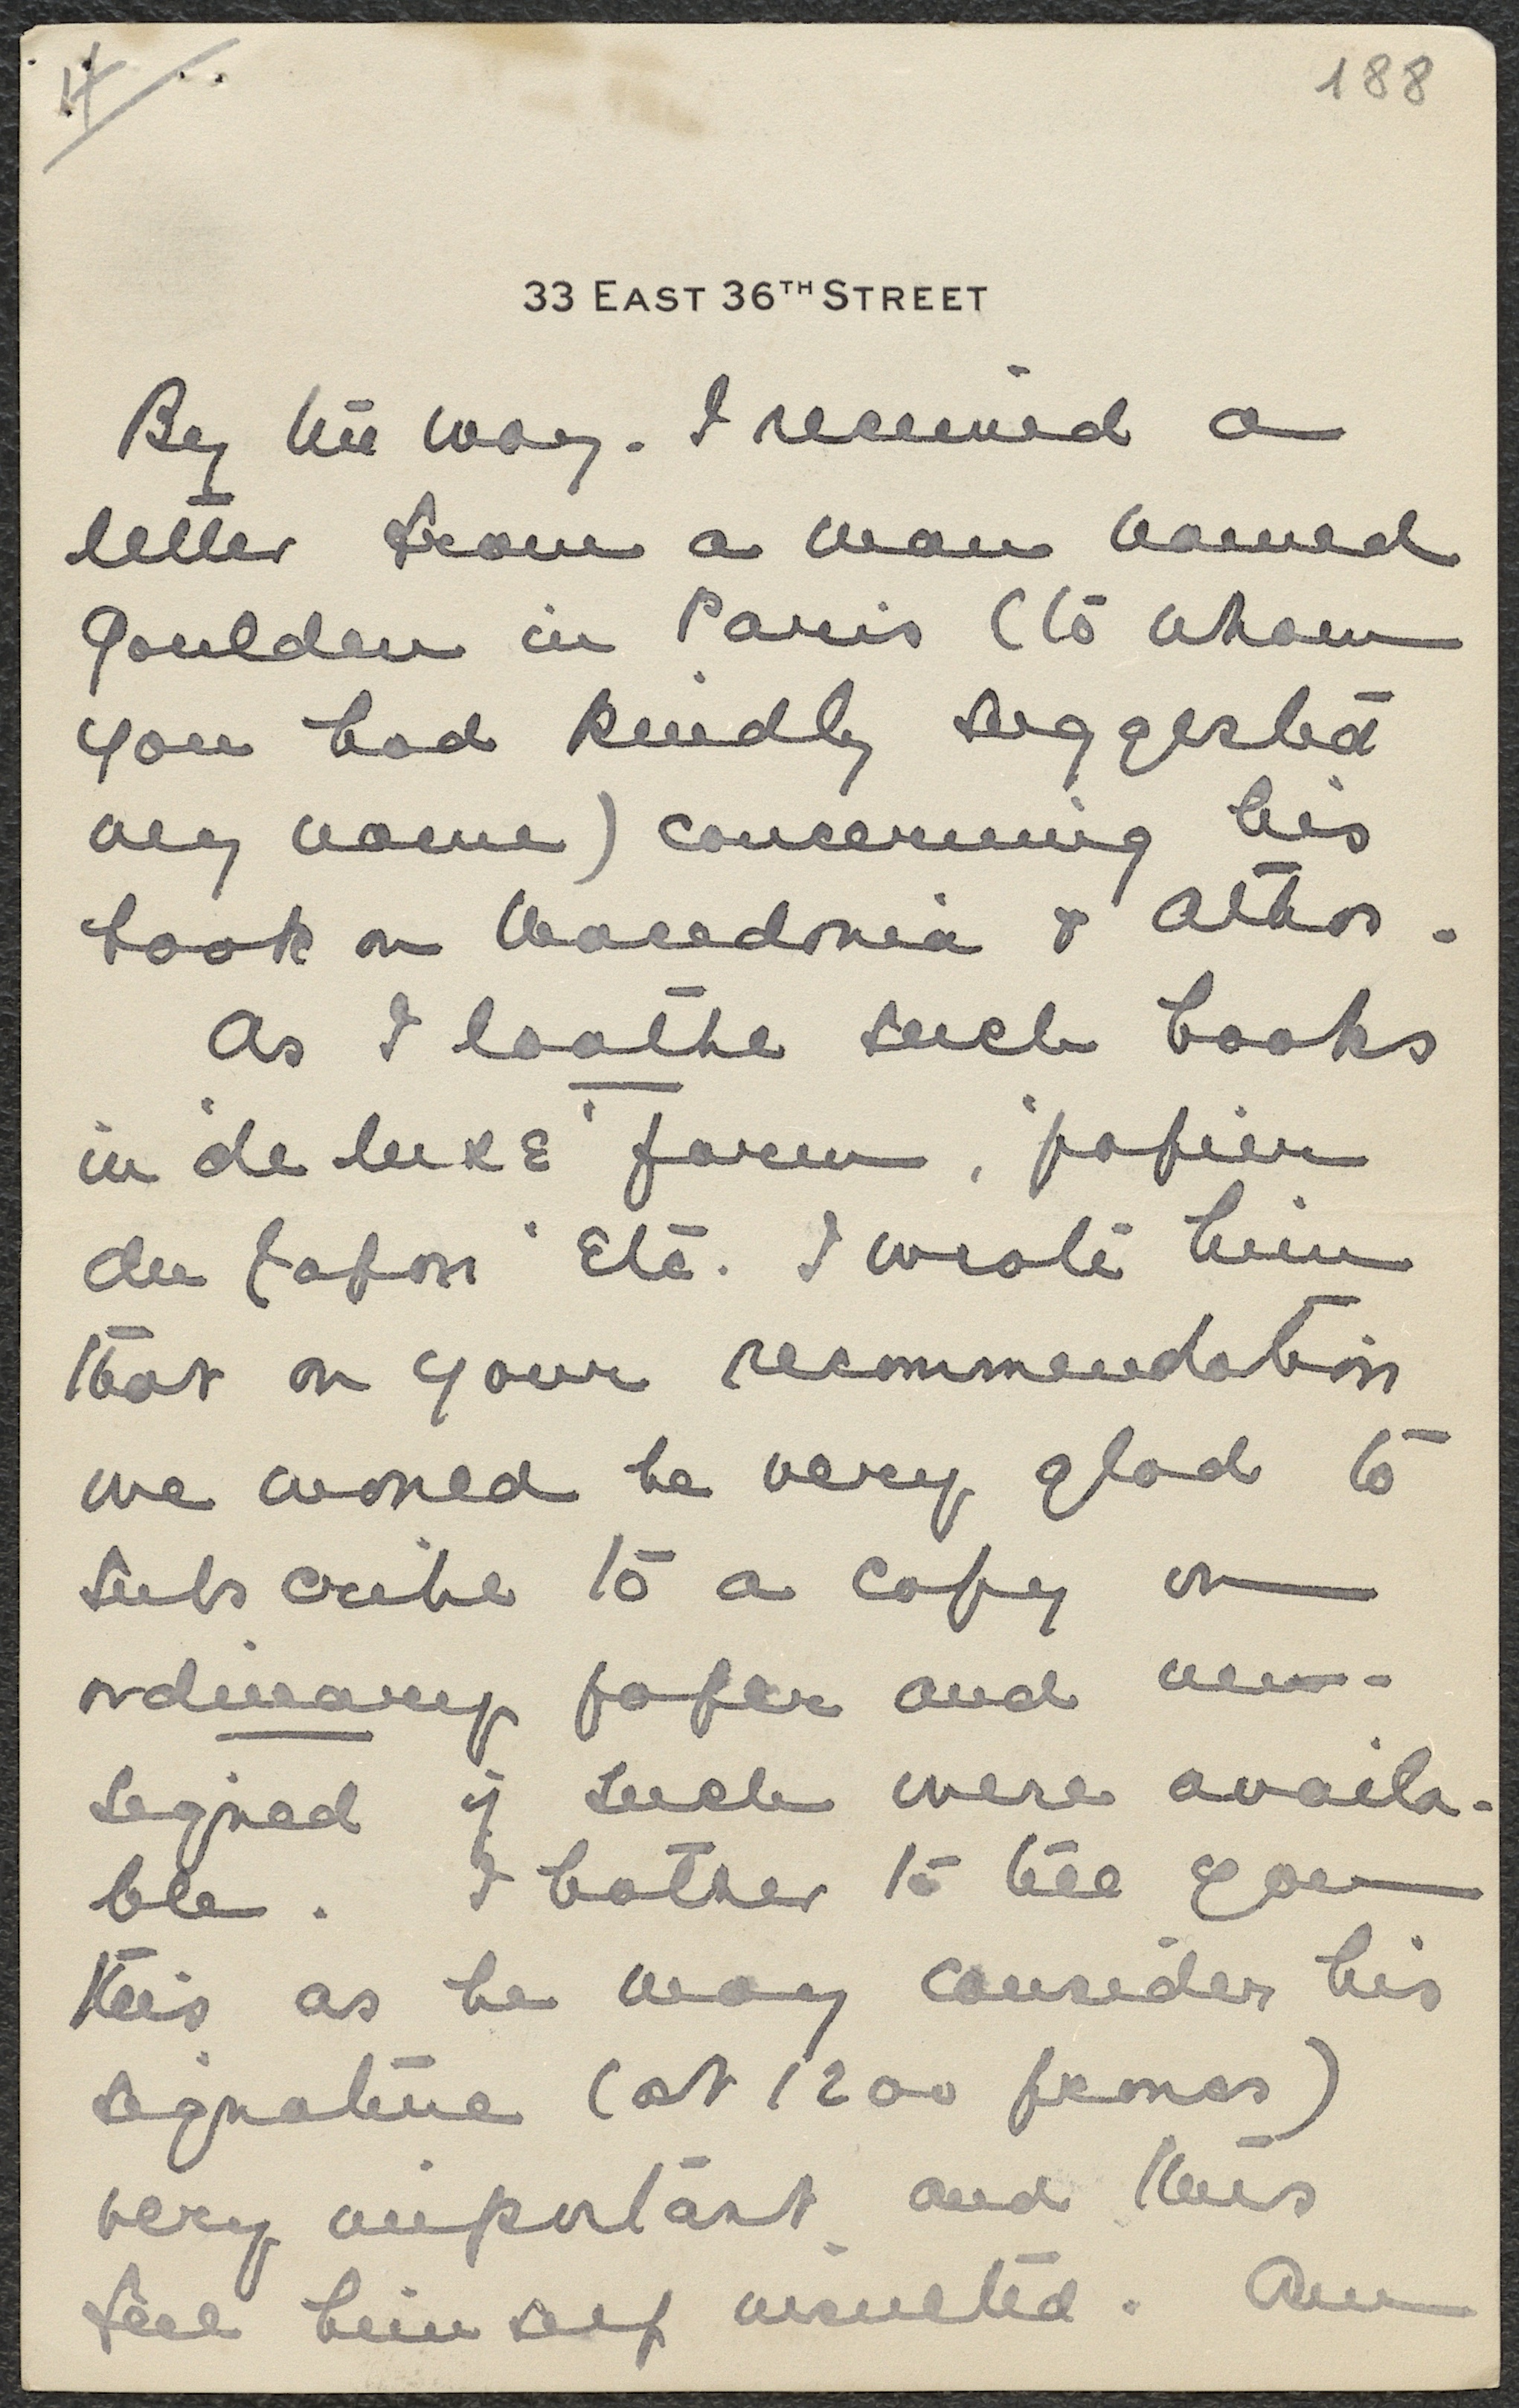By the way, I received a letter from a man named Goulden in Paris (to whom you had kindly suggested my name) concerning his book on Macedonia & Athos.
As I loathe such books in "de luxe" form, "papier du Japon" etc. I wrote him that on your recommendation we would be very glad to subscribe to a copy on ordinary paper and unsigned if such were available. I bother to tell you this as he may consider his signature (at 1200 francs) very important and thus feel himself insulted. Am